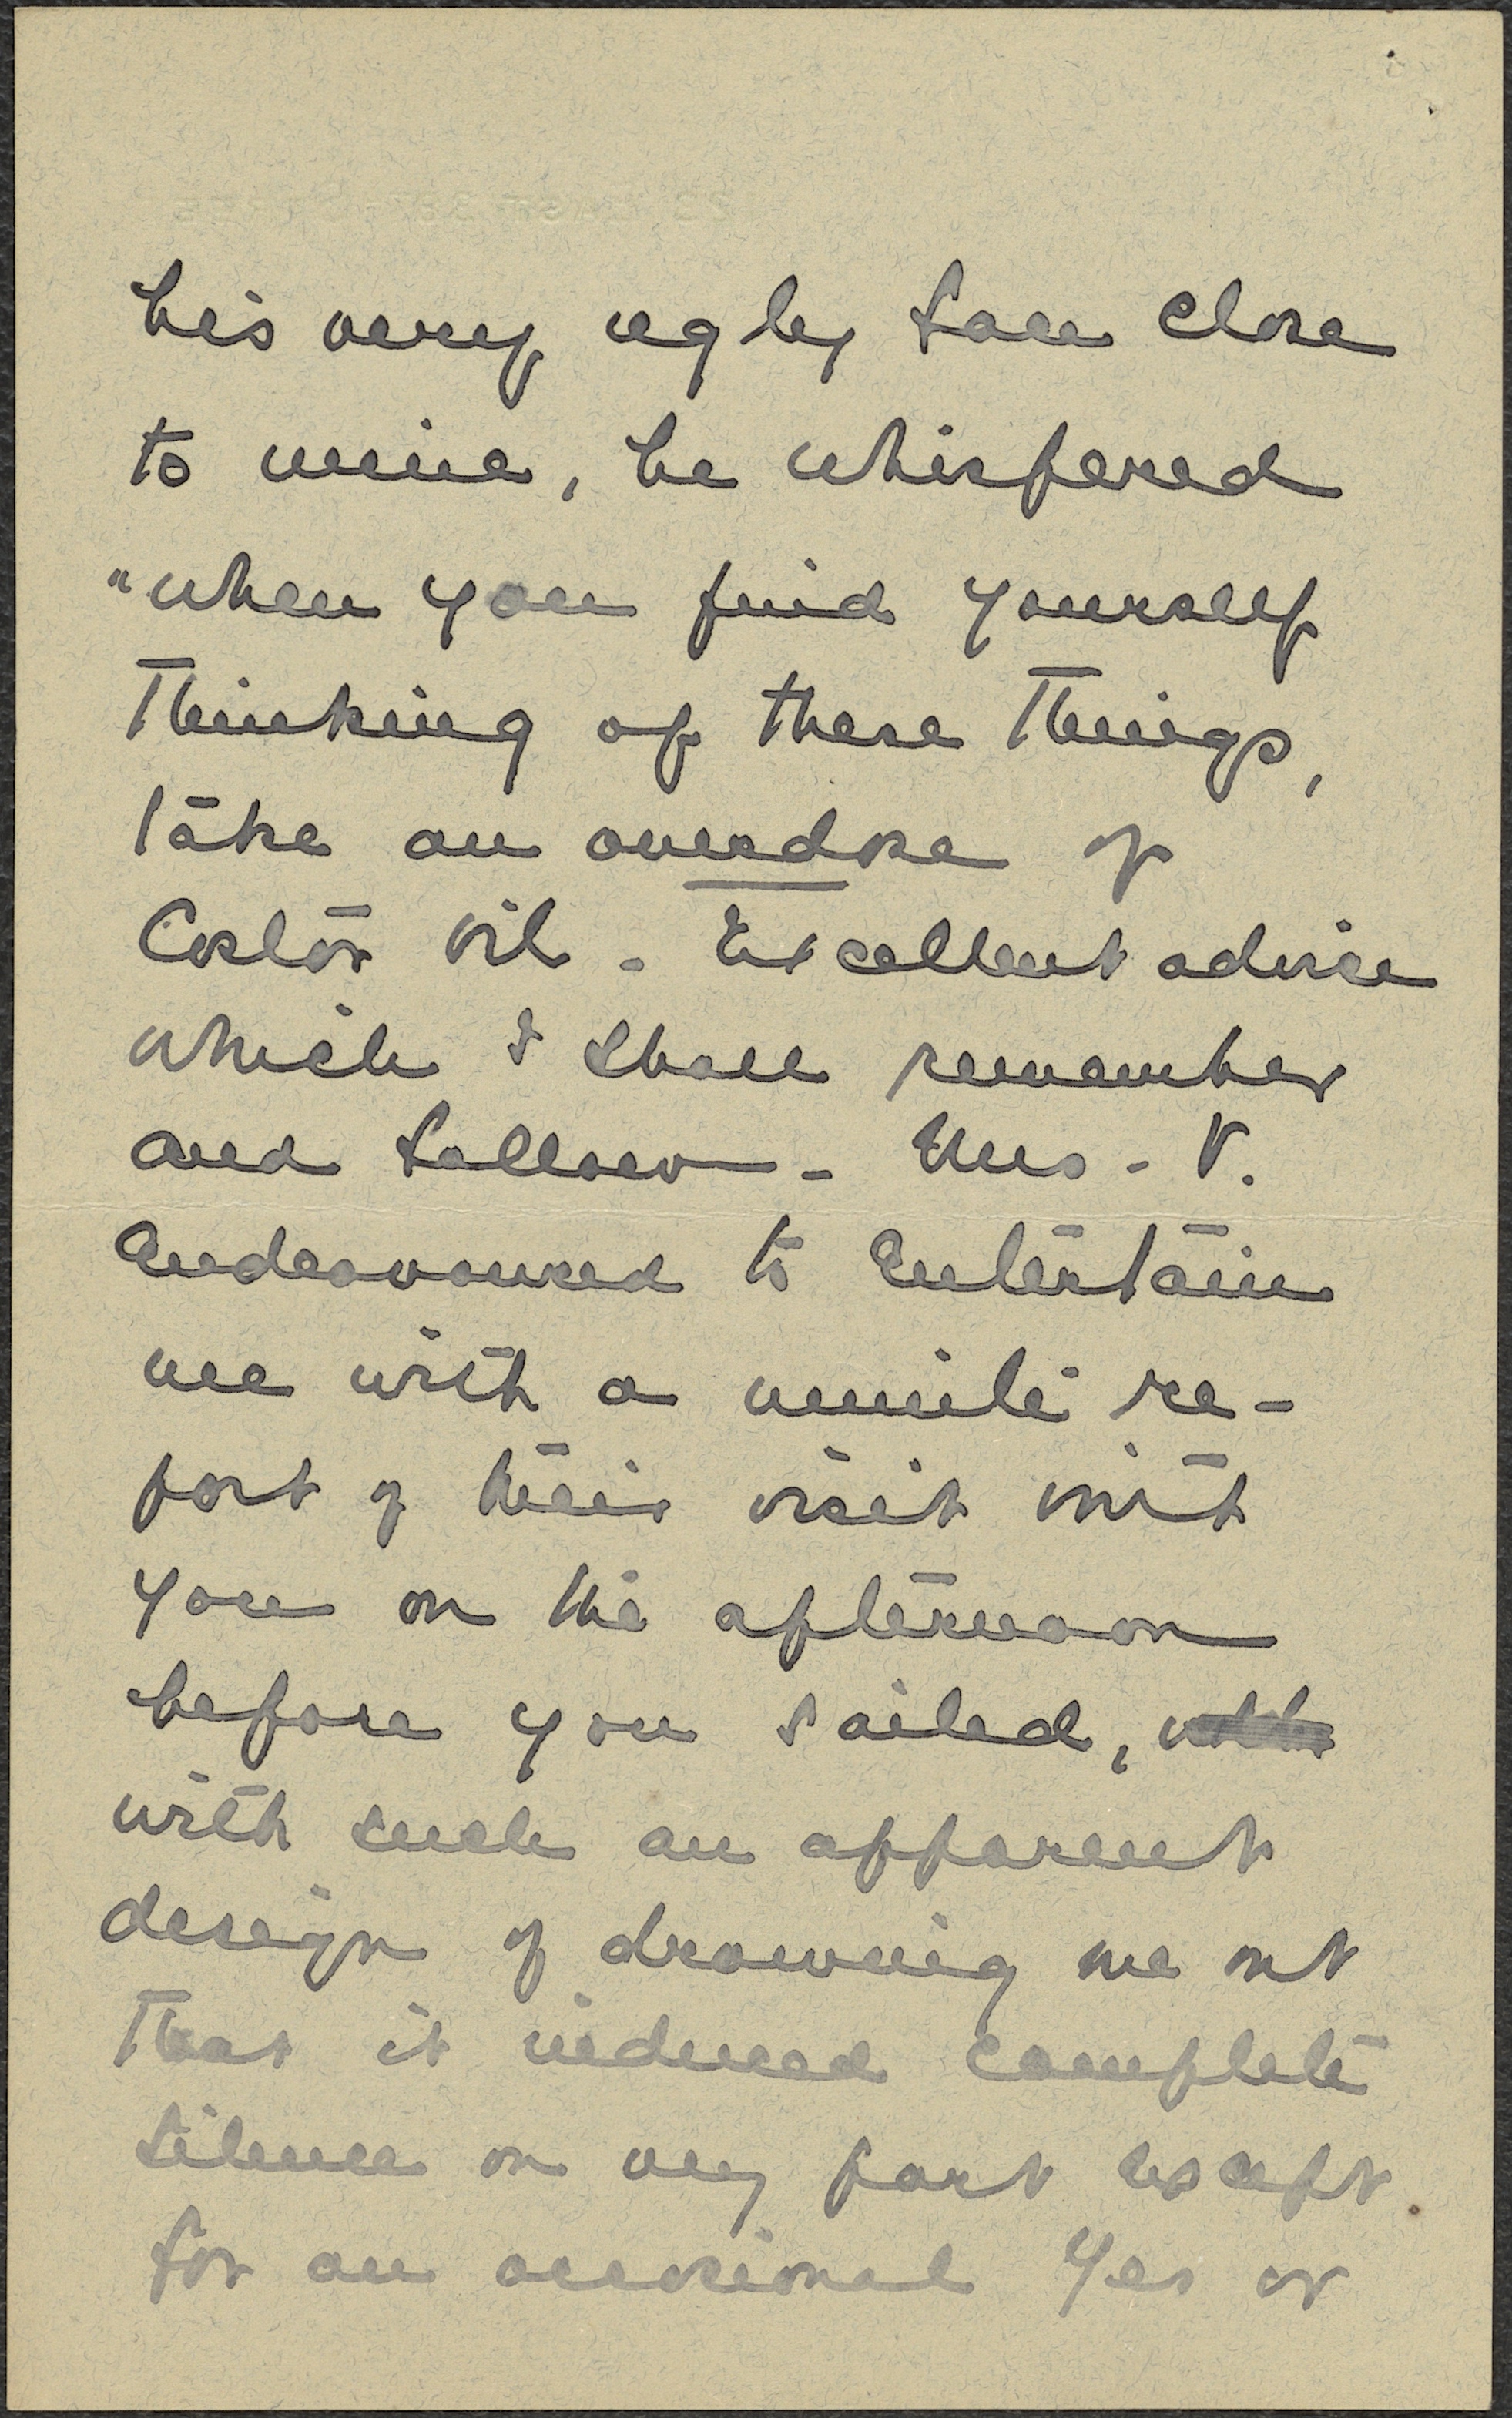his very ugly face close to mine, he whispered "when you find yourself thinking of these things, take an overdose of Castor oil. Excellent advice which I shall remember and follow – Mrs. V. endeavoured to entertain me with a minute report of their visit with you on the afternoon before you sailed, wth with such an apparent design of drowning me out that it induced complete silence on my part except for an occasional Yes or